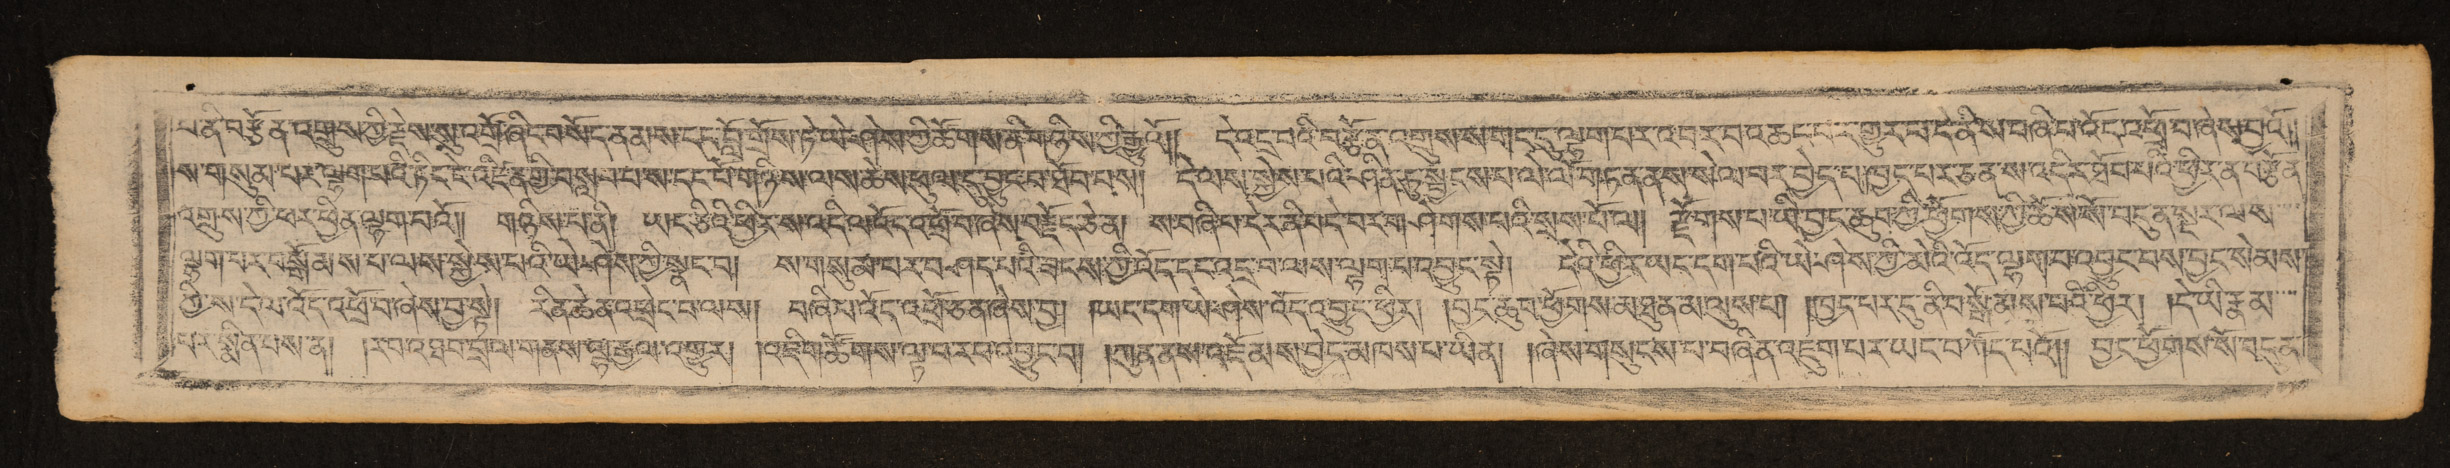པ་ནི་བརྩོན་འགྲུས་ཀྱི་རྗེས་སུ་འགྲོ་ཞིང་བསོད་ནམས་དང་བློ་གྲོས་ཏེ་ཡེ་ཤེས་ཀྱི་ཚོགས་ནི་གཉིས་ཀྱི་རྒྱུའོ།། དེ་འདྲ་བའི་བརྩོན་འགྲུས་ས་གང་དུ་ལྷག་པར་འབར་བ་འཆང་བར་གྱུར་པ་དེ་ནི་ས་བཞི་པ་འོད་འཕྲོ་བ་ཞེས་བྱའོ།།
ས་གསུམ་པར་ལྷག་པའི་ཏིང་ངེ་འཛིན་གྱི་བསླབ་པ་ས་དང་པོ་གཉིས་ལས་ཆེས་ཕུལ་དུ་བྱུང་བ་ཐོབ་པས། དེ་ལས་སྐྱེས་པའི་ཤིན་ཏུ་སྦྱངས་པ་ལེ་ལོ་གཏན་ནས་སེལ་བར་བྱེད་པ་ཁྱད་པར་ཅན་ས་འདིར་ཐོབ་པའི་ཕྱིར་ན་བརྩོན་
འགྲུས་ཀྱི་ཕར་ཕྱིན་ལྷག་པའོ།། གཉིས་པ་ནི། ཡང་ཅིའི་ཕྱིར་ས་འདི་ལ་འོད་འཕྲོ་བ་ཞེས་བརྗོད་ཅེ་ན། ས་གཞི་པ་དེར་ནི་བདེ་བར་གཤེགས་པའི་སྲས་པོ་ལ། རྫོགས་པ་ཡི་བྱང་ཆུབ་ཀྱི་ཕྱོགས་ཀྱི་ཆོས་སོ་བདུན་སྔར་ལས་
ལྷག་པར་བསྒོམས་པ་ལས་སྐྱེས་པའི་ཡེ་ཤེས་ཀྱི་སྣང་བ། ས་གསུམ་པར་བཤད་པའི་ཟངས་ཀྱི་འོད་དང་འདྲ་བ་ལས་ལྷག་པ་འབྱུང་སྟེ། དེའི་ཕྱིར་ཡང་དག་པའི་ཡེ་ཤེས་ཀྱི་མེའི་འོད་ལྷག་པ་འབྱུང་བས་བྱང་སེམས་
ཀྱི་ས་དེ་ལ་འོད་འཕྲོ་བ་ཞེས་བྱ་སྟེ། རིན་ཆེན་འཕྲེང་བ་ལས། བཞི་པ་འོད་འཕྲོ་ཅན་ཞེས་བྱ། །ཡང་དག་ཡེ་ཤེས་འོད་འབྱུང་ཕྱིར། །བྱང་ཆུབ་ཕྱོགས་མཐུན་མ་ལུས་པ། །ཁྱད་པར་དུ་ནི་བསྒོམས་པའི་ཕྱིར། །དེ་ཡི་རྣམ་
པར་སྨིན་པས་ན། །རབ་འཐབ་བྲལ་གནས་ལྷ་རྒྱལ་འགྱུར། །འཇིག་ཚོགས་ལྟ་བ་རབ་འབྱུང་བ། །ཀུན་ནས་འཇོམས་བྱེད་མཁས་པ་ཡིན། །ཞེས་གསུངས་པ་བཞིན་འཇུག་པར་ཡང་བཀོད་པའོ།། བྱང་ཕྱོགས་སོ་བདུན་